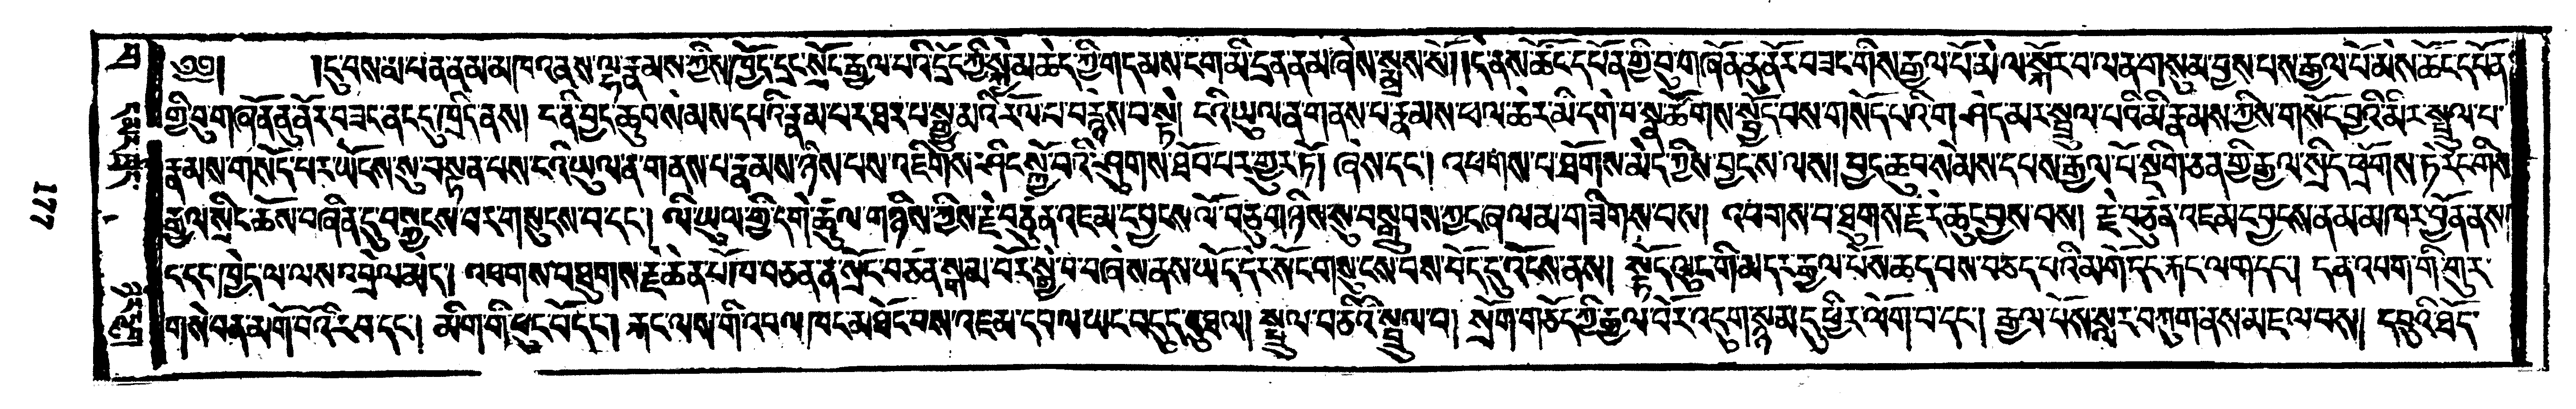༄༅། །དུ་བས་མ་པན་ནམ་མཁའ་ནས་ལྷ་རྣམས་ཀྱིས་ཁྱོད་དྲང་སྲོང་རྒྱལ་བའི་དྲོད་ཀྱི་སྐྱེ་མཆེད་ཀྱི་གདམས་ངག་མི་དྲན་ནམ་ཞེས་སྨྲས་སོ། །དེ་ནས་ཚོང་དཔོན་གྱི་བུ་གཞོན་ནུ་ནོར་བཟང་གིས་རྒྱལ་པོ་མེ་ལ་སྐོར་བ་ལན་གསུམ་བྱས་པས་རྒྱལ་པོ་མེས་ཚོང་དཔོན་
གྱི་བུ་གཞོན་ནུ་ནོར་བཟང་ནང་དུ་ཁྲིད་ནས། ད་ནི་བྱང་ཆུབ་སེམས་དཔའི་རྣམ་པར་ཐར་པ་སྒྱུ་མའི་རོལ་པ་བརྙེས་པ་སྟེ། ངའི་ཡུལ་ན་གནས་པ་རྣམས་ཕལ་ཆེར་མི་དགེ་བ་སྣ་ཚོགས་སྤྱོད་པས་གསོད་པའི་གཤེད་མར་སྦྲུལ་པའི་མི་རྣམས་ཀྱིས་གསོད་བྱའི་མིར་སྤྲུལ་པ་
རྣམས་གསོད་པར་ཡོངས་སུ་བསྟན་པས་ངའི་ཡུལ་ན་གནས་པ་རྣམས་ཉིས་པས་འཇིགས་ཤིང་སྐྱོ་བའི་ཤུགས་ཐོབ་པར་གྱུར་ཏོ། ཞེས་དང་། འཕགས་པ་ཐོགས་མེད་ཀྱིས་བྱང་ས་ལས། བྱང་ཆུབ་སེམས་དཔས་རྒྱལ་པོ་སྡིག་ཅན་གྱི་རྒྱལ་སྲིད་ཕྲོགས་ཏེ་རང་གིས་
རྒྱལ་སྲིད་ཆོས་བཞིན་དུ་བསྐྱངས་བར་གསུངས་པ་དང་། ལི་ཡུལ་གྱི་དགེ་ཚུལ་གཉིས་ཀྱིས་རྗེ་བཙུན་འཇམ་དབྱངས་ལོ་བཅུ་གཉིས་སུ་བསྒྲུབས་ཀྱང་ཞལ་མ་གཟིགས་པས། འཕགས་པ་ཐུགས་རྗེ་རེ་ཆུང་བྱས་བས། རྗེ་བཙུན་འཇམ་དབྱངས་ནམ་མཁར་བྱོན་ནས།
ད་དང་ཁྱེད་ལ་ལས་འབྲེལ་མེད། འཕགས་པ་ཐུགས་རྗེ་ཆེན་པོ་ཁ་བ་ཅན་ན་སྲོང་བ་ཙན་སྒམ་བོར་སྒྱེ་བ་བཞེས་ནས་ཡོད་དེར་སོང་གསུངས་པས་བོད་དུ་འོངས་ནས། སྟོད་ལུང་གི་མདར་རྒྱལ་པོས་ཆད་པས་བཅད་པའི་མགོ་དང་རྐང་ལག་དང་། དན་འབག་གི་གུར་
གསེ་བ་བན་མགོ་བོའི་རབ་དང་། མིག་གི་ཕང་བོ་དང་། རྐང་ལས་གི་འབལ་ཁང་མཐོང་བས་འཇམ་དཔལ་ཡང་བདུད་དུ་ཐལ། སྤྲུལ་བ་ཅིའི་སྦྲུལ་བ། སྲོག་གཅོད་ཀྱི་རྒྱལ་པོར་འདུག་སྙམ་དུ་ཕྱིར་ལོག་པ་དང་། རྒྱལ་པོས་སླར་བཀུག་ནས་མཇལ་བས། དབུའི་ཐོད་